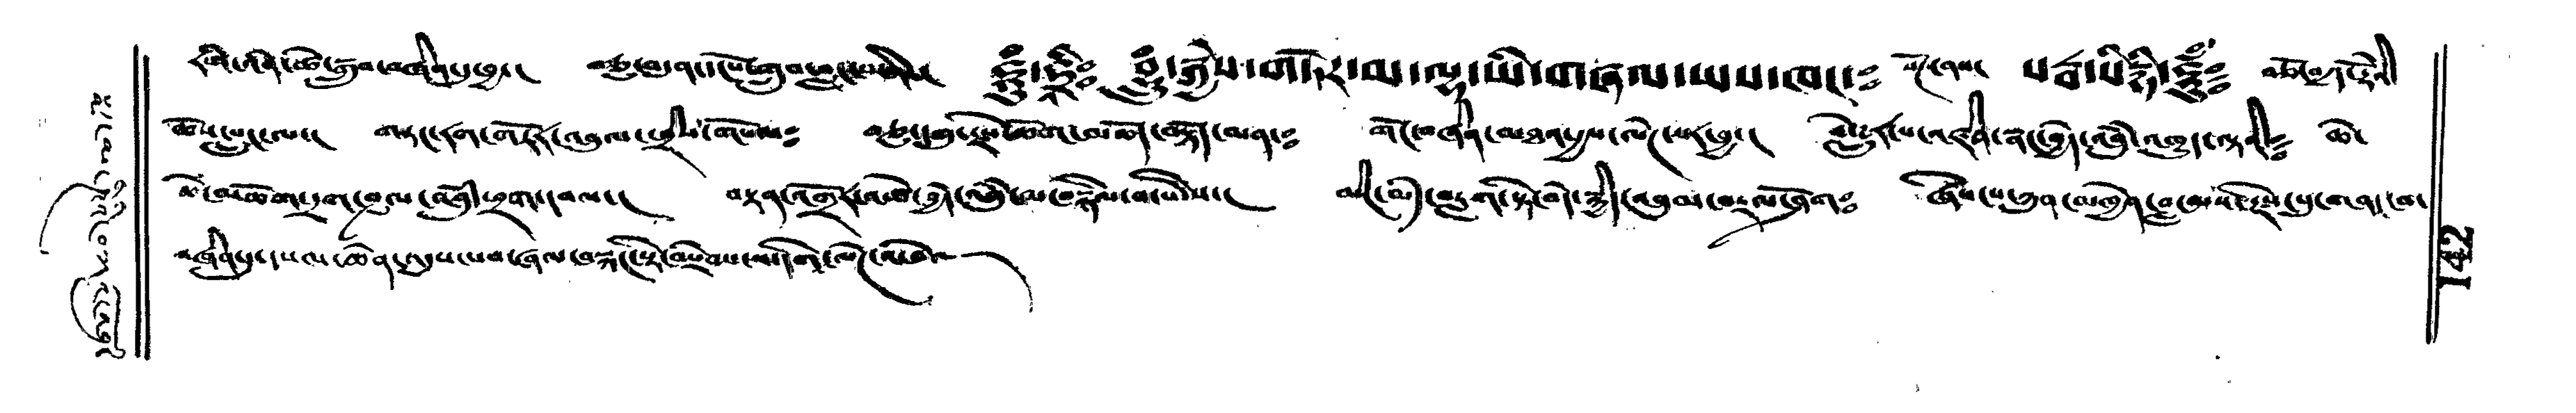རིག་འཛིན་ཚེ་སྒྲུབ་བཞིན་དུ་བྱ། །བཅུ་བདུན་དངོས་གྲུབ་བླང་ནི།ཧཱུྃ་ཧྲཱི༔ བྷྲུཾ་སྐྱེས་གཏོར་མ་ལྷ་ཡི་གཞལ་ཡས་ཁང༔ སོགས་ནས། སརྦ་སིདྡྷི་ཧཱུྃ༔ བཅོ་བརྒྱད་རྡོ་རྗེའི་
ཆོས་སྲུང་ལ། །གཏང་རག་གཏོར་འབུལ་ཕྲིན་ལས་གསོལ། །བཅུ་དགུ་རྗེས་ཆོག་མཆོད་བསྟོད་མན། །གོང་བཞིན་མཐའ་རྒྱས་ལེགས་པར་བྱ། བཻཌཱུར་ས་འཛིན་སྣང་བྱེད་འབུམ་འཁྱུད་ལྟའི། །ཆེ་
བའི་ཆེ་མཆོག་དྲག་ཤུལ་འབུམ་ཕྲག་དབལ། །བསྟན་འགྲོར་འཚེ་བྱེད་འབུམ་ལ་བསྙིལ་བ་ཡིས། །མིང་མེད་བརླགས་སྟེ་བདེ་སྐྱིད་འབུམ་བརྡལ་ཤོག ཞེས་པ་ཀུན་མཁྱེན་བླ་མས་རྗེས་སུ་གནང་བ་
བཞིན་དུ་དཔལ་ཆེན་འདུས་པས་ཞལ་བསྐངས་སྟེ་བསྡེབས་པ་དགེ་ལེགས་འཕེལ།། དགེའོ།།